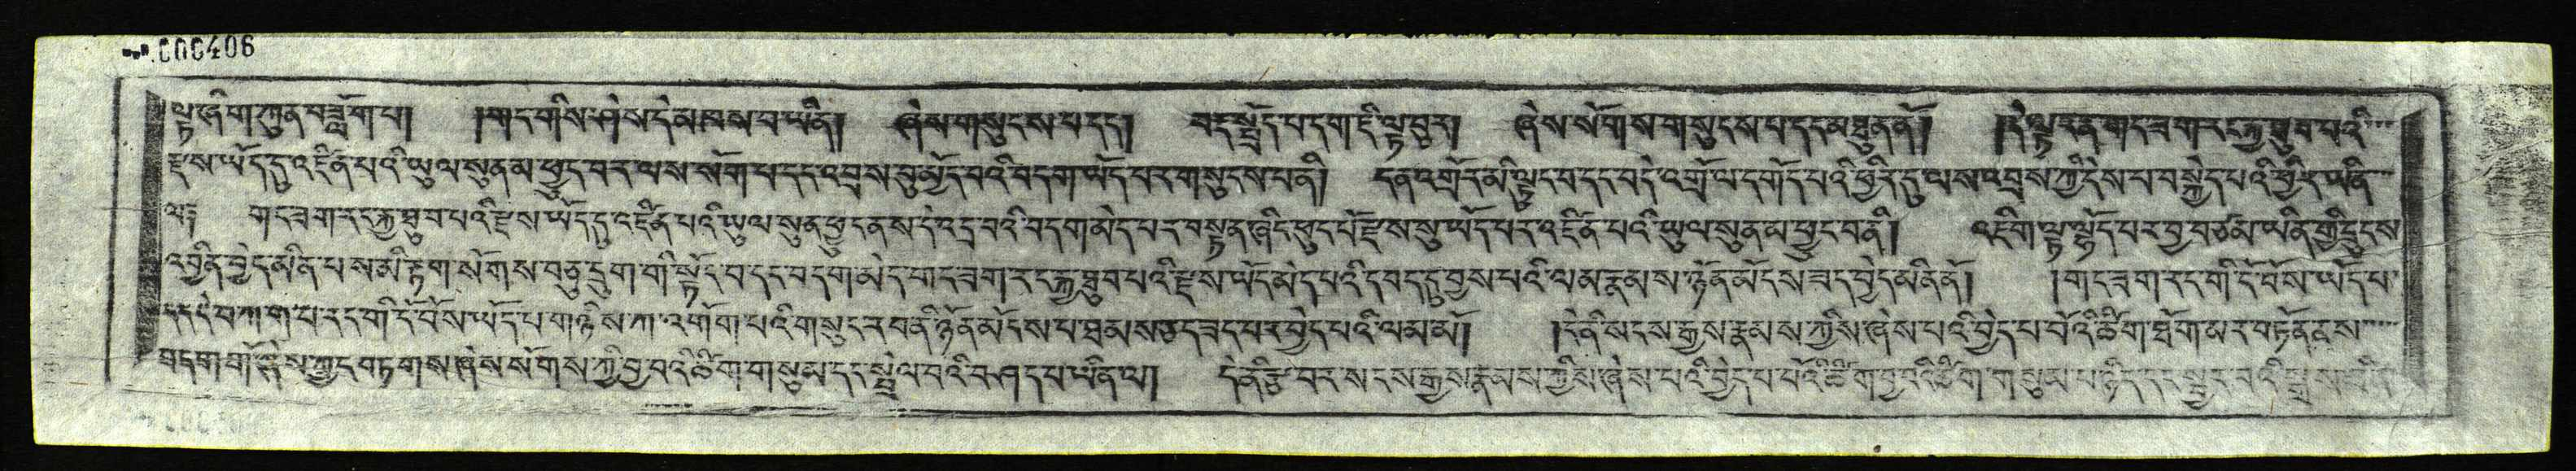ལྟ་ཞིག་ཀུན་བཟློག་པ། །གང་གིས་ཤེས་དེ་མཁས་པ་ཡིན། ཞེས་གསུངས་པ་དང་། བརྡ་སྤྲོད་པ་དག་ཇི་ལྟ་བུར། ཞེས་སོགས་གསུངས་པ་དང་མཐུན་ནོ། །དེ་ལྟར་ན་གང་ཟག་རང་རྐྱ་ཐུབ་པའི་
རྫས་ཡོད་དུ་འཛིན་པའི་ཡུལ་སུན་མ་ཕྱུང་བར་ལས་སོགས་པ་དང་འབྲས་བུ་མྱོང་བའི་བདག་ཡོད་པར་གསུངས་པ་ནི། ངན་འགྲོར་མི་ལྟུང་བ་དང་བདེ་འགྲོ་ལ་དགོད་པའི་ཕྱིར་དུ་ལས་འབྲས་ཀྱི་དེས་པ་བསྐྱེད་པའི་ཕྱིར་ཡིན་
ལ༑ གང་ཟག་རང་རྐྱ་ཐུབ་པའི་རྫས་ཡོད་དུ་འཛིན་པའི་ཡུལ་སུན་ཕྱུང་ནས་དེ་འདྲ་བའི་བདག་མེད་པར་བསྟན་ཞིང་ཕུང་པོ་རྫས་སུ་ཡོད་པར་འཛིན་པའི་ཡུལ་སུན་མ་བྱུང་བ་ནི། འཇིག་ལྟ་ལྷོད་པར་བྱ་བ་ཙམ་ཡིན་གྱི་དྲུངས་
འབྱིན་བྱེད་མིན་པས་མི་རྟག་སོགས་བཅུ་དྲུག་གི་སྟོང་བ་དང་བདག་མེད་གང་ཟག་རང་རྐྱ་ཐུབ་པའི་རྫས་ཡོད་མེད་པའི་དབང་དུ་བྱས་པའི་ལམ་རྣམས་ཉོན་མོངས་ཟད་བྱེད་མིན་ནོ། །གང་ཟག་རང་གི་ངོ་བོས་ཡོད་པ་
དང་དེ་བཀག་པ་རང་གི་ངོ་བོས་ཡོད་པ་གཉིས་ཀ་འགོག་པའི་གསུང་རབ་ནི་ཉོན་མོངས་པ་ཐམས་ཅད་ཟད་པར་བྱེད་པའི་ལམ་མོ། །དེ་ནི་སངས་རྒྱས་རྣམས་ཀྱིས་ཞེས་པའི་བྱེད་པ་པོའི་ཚིག་ཐོག་མར་བཏོན་ནས་
བདག་གོ་ཞེས་ཀྱང་བཏགས་ཞེས་སོགས་ཀྱི་བྱ་བའི་ཚིག་གསུམ་དང་སྦྲེལ་བའི་བཤད་པ་ཡིན་ལ། དེ་ནི་རྩ་བར་སངས་རྒྱས་རྣམས་ཀྱིས་ཞེས་པའི་བྱེད་པ་པོའི་ཚིག་བྱ་བའི་ཚིག་གསུམ་པ་ཉིད་དང་སྦྱར་བའི་སྒྲས་ཟིན་